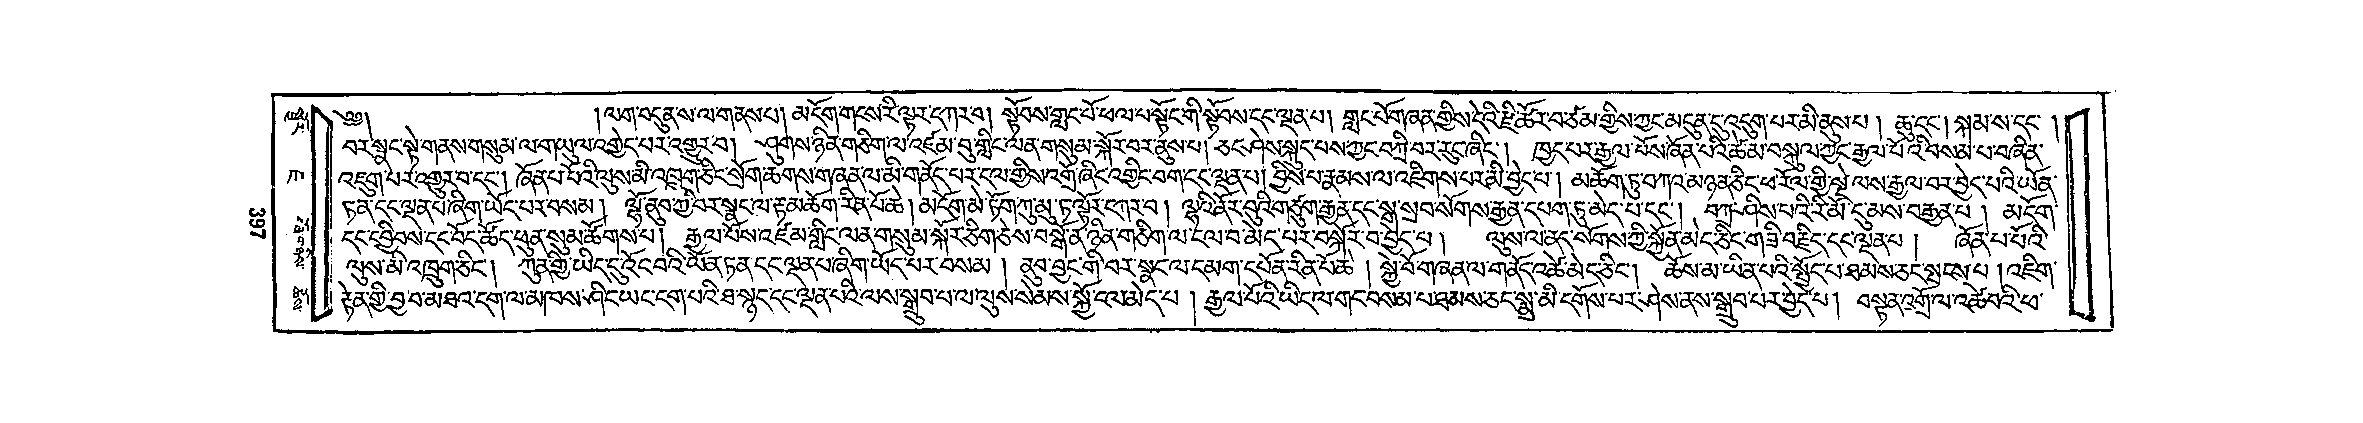༄༅། །ལག་བདུན་ས་ལ་གནས་པ། མདོག་གངས་རི་ལྟར་དཀར་བ། སྟོབས་གླང་པོ་ཕལ་པ་སྟོང་གི་སྟོབས་དང་ལྡན་པ། གླང་པོ་གཞན་གྱིས་དེའི་རྫི་ཚོར་བ་ཙམ་གྱིས་ཀྱང་མདུན་དུ་འདུག་པར་མི་ནུས་པ། ཆུ་དང་། སྐམ་ས་དང་།
བར་སྣང་སྟེ་གནས་གསུམ་ལ་གཡུལ་འགྱེད་པར་འགྱུར་བ། ཤུགས་ཉིན་གཅིག་ལ་འཛམ་བུ་གླིང་ལན་གསུམ་སྐོར་བར་ནུས་པ། ཅང་ཤེས་སྐུད་པས་ཀྱང་བཀྲི་བར་རུང་ཞིང་། ཁྱད་པར་རྒྱལ་པོས་ཞོན་པའི་ཚེ་མ་བསྐུལ་ཀྱང་རྒྱལ་པོའི་བསམ་པ་བཞིན་
འཇུག་པར་འགྱུར་བ་དང་། ཞོན་པ་པོའི་ལུས་མི་འཁྲུག་ཅིང་སྲོག་ཆགས་གཞན་ལ་མི་གནོད་པར་དལ་གྱིས་འགྲོ་ཞིང་འགྱིང་བག་དང་ལྡན་པ། བྱིས་པ་རྣམས་ལ་འཇིགས་པར་མི་བྱེད་པ། མཆོག་ཏུ་བཀའ་མཉན་ཅིང་ཕ་རོལ་གྱི་སྡེ་ལས་རྒྱལ་བར་བྱེད་པའི་ཡོན་
ཏན་དང་ལྡན་པ་ཞིག་ཡོད་པར་བསམ། ལྷོ་ནུབ་ཀྱི་བར་སྣང་ལ་རྟ་མཆོག་རིན་པོ་ཆེ། མདོག་མེ་ཏོག་ཀུ་མུ་ཏ་ལྟོར་དཀར་བ། ལྷའི་ནོར་བུའི་གཙུག་རྒྱན་དང་སྒ་སྲབ་སོགས་རྒྱན་དཔག་ཏུ་མེད་པ་དང་། བཀྲ་ཤིས་པའི་རི་མོ་དུ་མས་བརྒྱན་པ། མདོག་
དང་དབྱིབས་དང་བོད་ཚོད་ཕུན་སུམ་ཚོགས་པ། རྒྱལ་པོས་འཛམ་གླིང་ལན་གསུམ་སྐོར་ཅིག་ཅེས་བསྒོ་ན་ཉིན་གཅིག་ལ་ངལ་བ་མེད་པར་བསྐོར་བ་བྱེད་པ། ལུས་ལ་ནད་སོགས་ཀྱི་སྐྱོན་མེད་ཅིང་གཟི་བརྗིད་དང་ལྡན་པ། ཞོན་པ་པོའི་
ལུས་མི་འཁྲུག་ཅིང་། ཀུན་གྱི་ཡིད་དུ་འོང་བའི་ཡོན་ཏན་དང་ལྡན་པ་ཞིག་ཡོད་པར་བསམ། ནུབ་བྱང་གི་བར་སྣང་ལ་དམག་དཔོན་རིན་པོ་ཆེ། སྐྱེ་བོ་གཞན་ལ་གནོད་འཚེ་མེད་ཅིང་། ཆོས་མ་ཡིན་པའི་སྤྱོད་པ་ཐམས་ཅད་སྤངས་པ། འཇིག་
རྟེན་གྱི་བྱ་བ་མཐའ་དག་ལ་མཁས་ཤིང་ཡང་དག་པའི་ཐ་སྙད་དང་ལྡན་པའི་ལས་སྒྲུབ་པ་ལ་ལུས་སེམས་སྐྱོ་ངལ་མེད་པ། རྒྱལ་པོའི་ཡིད་ལ་གང་བསམ་པ་ཐམས་ཅད་སྨྲ་མི་དགོས་པར་ཤེས་ནས་སྒྲུབ་པར་བྱེད་པ། བསྟན་འགྲོ་ལ་འཚེ་བའི་ཕ་